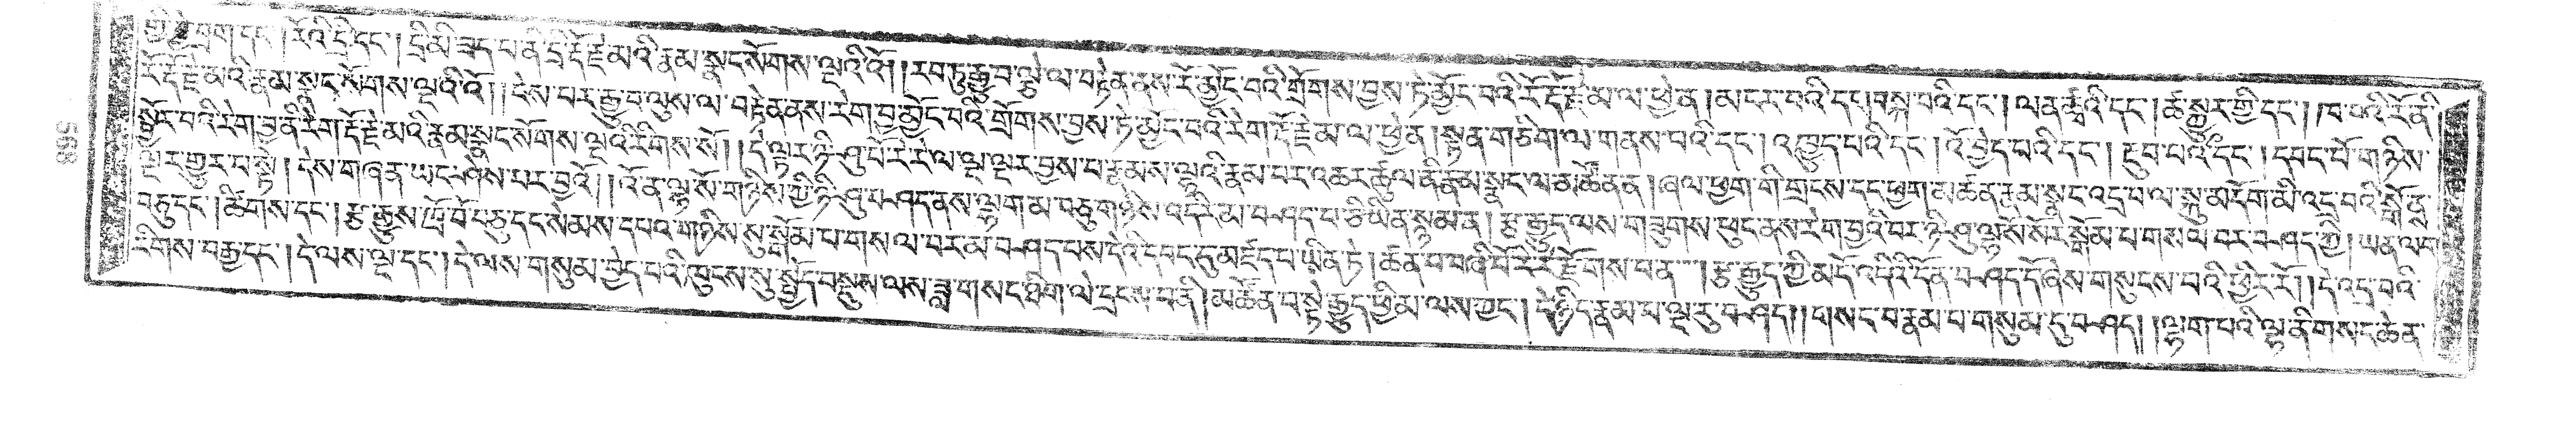གྱི་བྱེ་བྲག་དང་། རོའི་དྲི་དང་། དྲི་མི་ཟད་པ་ནི་དྲི་རྡོ་རྗེ་མའི་རྣམ་སྣང་སོགས་ལྔའི་འོ། །རབ་ཏུ་རྒྱུ་བ་ལྕེ་ལ་བརྟེན་ནས་རོ་མྱོང་བའི་གྲོགས་བྱས་ཏེ་མྱོང་བའི་རོ་རྡོ་རྗེ་མ་ལ་ཕྱེ་ན། མངར་བའི་དང་། བསྐ་བའི་དང་། ལན་ཚྭའི་དང་། ཚ་སྐྱུར་གྱི་དང་། ཁ་བའི་རོ་ནི་
རོ་རྡོ་རྗེ་མའི་རྣམ་སྣང་སོགས་ལྔའི་འོ། །ངེས་པར་རྒྱུ་བ་ལུས་ལ་བརྟེན་ནས་རེག་བྱ་མྱོང་བའི་གྲོགས་བྱས་ཏེ་མྱོང་བའི་རེག་རྡོ་རྗེ་མ་ལ་ཕྱེ་ན། སྟན་གཅིག་ལ་གནས་པའི་དང་། འཁྱུད་པའི་དང་། འོ་བྱེད་པའི་དང་། རྔུབ་པའི་དང་། དབང་པོ་གཉིས་
སྦྱོར་བའི་རེག་བྱ་ནི་རེག་རྡོ་རྗེ་མའི་རྣམ་སྣང་སོགས་ལྔའི་རིགས་སོ། །དེ་ལྟར་ཉི་ཤུ་པོ་རེ་རེ་ལ་ལྔ་ལྔར་བྱས་པ་རྣམས་ལྷའི་རྣམ་པ་འཆར་ཚུལ་ནི་རྣམ་སྣང་ལ་མཚོན་ན། ཞལ་ཕྱག་གི་གྲངས་དང་ཕྱག་མཚན་རྣམ་སྣང་འདྲ་བ་ལ་སྐུ་མདོག་མི་འདྲ་བའི་སྒོ་ནས་
ལྔར་གྱུར་པ་སྟེ། དེས་གཞན་ཡང་ཤེས་པར་བྱའོ། །འོ་ན་ལྷ་སོ་གཉིས་ཀྱི་ཉི་ཤུ་བཤད་ནས་ལྷག་མ་བཅུ་གཉིས་འདིར་མ་བཤད་པ་ཅི་ཡིན་སྙམ་ན། རྩ་རྒྱུད་ལས་གཟུགས་ཕུང་ནས་རེག་བྱའི་བར་ཉི་ཤུ་ལྷ་སོ་སོར་སྒོམ་པ་གསལ་བར་བཤད་ཀྱི། ཡན་ལག་
བཅུ་དང་། ཚིགས་དང་། རྩ་རྒྱུས་ཁྲོ་བོ་བཅུ་དང་སེམས་དཔའི་གཉིས་སུ་སྒོམ་པ་གསལ་བར་མ་བཤད་པས་དེའི་དབང་དུ་མཛད་པ་ཡིན་ཏེ། ཚན་པ་བཞི་པོ་རེ་རེ་རྫོགས་པ་ན། རྩ་རྒྱུད་ཀྱི་མདོ་འདིའི་དོན་བཤད་དོ་ཞེས་གསུངས་པའི་ཕྱིར་རོ། །དེ་འདྲ་བའི་
རིགས་བརྒྱ་དང་། དེ་ལས་ལྔ་དང་། དེ་ལས་གསུམ་བྱེད་པའི་ཁུངས་སུ་སྤྱོད་བསྡུས་ལས་ཟླ་གསང་ཐིག་ལེ་དྲངས་པ་ནི། མཚོན་པ་སྟེ་རྒྱུད་ཕྱི་མ་ལས་ཀྱང་། དེ་ཉིད་རྣམ་པ་ལྔ་རུ་བཤད། །གསང་བ་རྣམ་གསུམ་དུ་བཤད། །ལྷག་པའི་ལྷ་ནི་གསང་ཆེན་